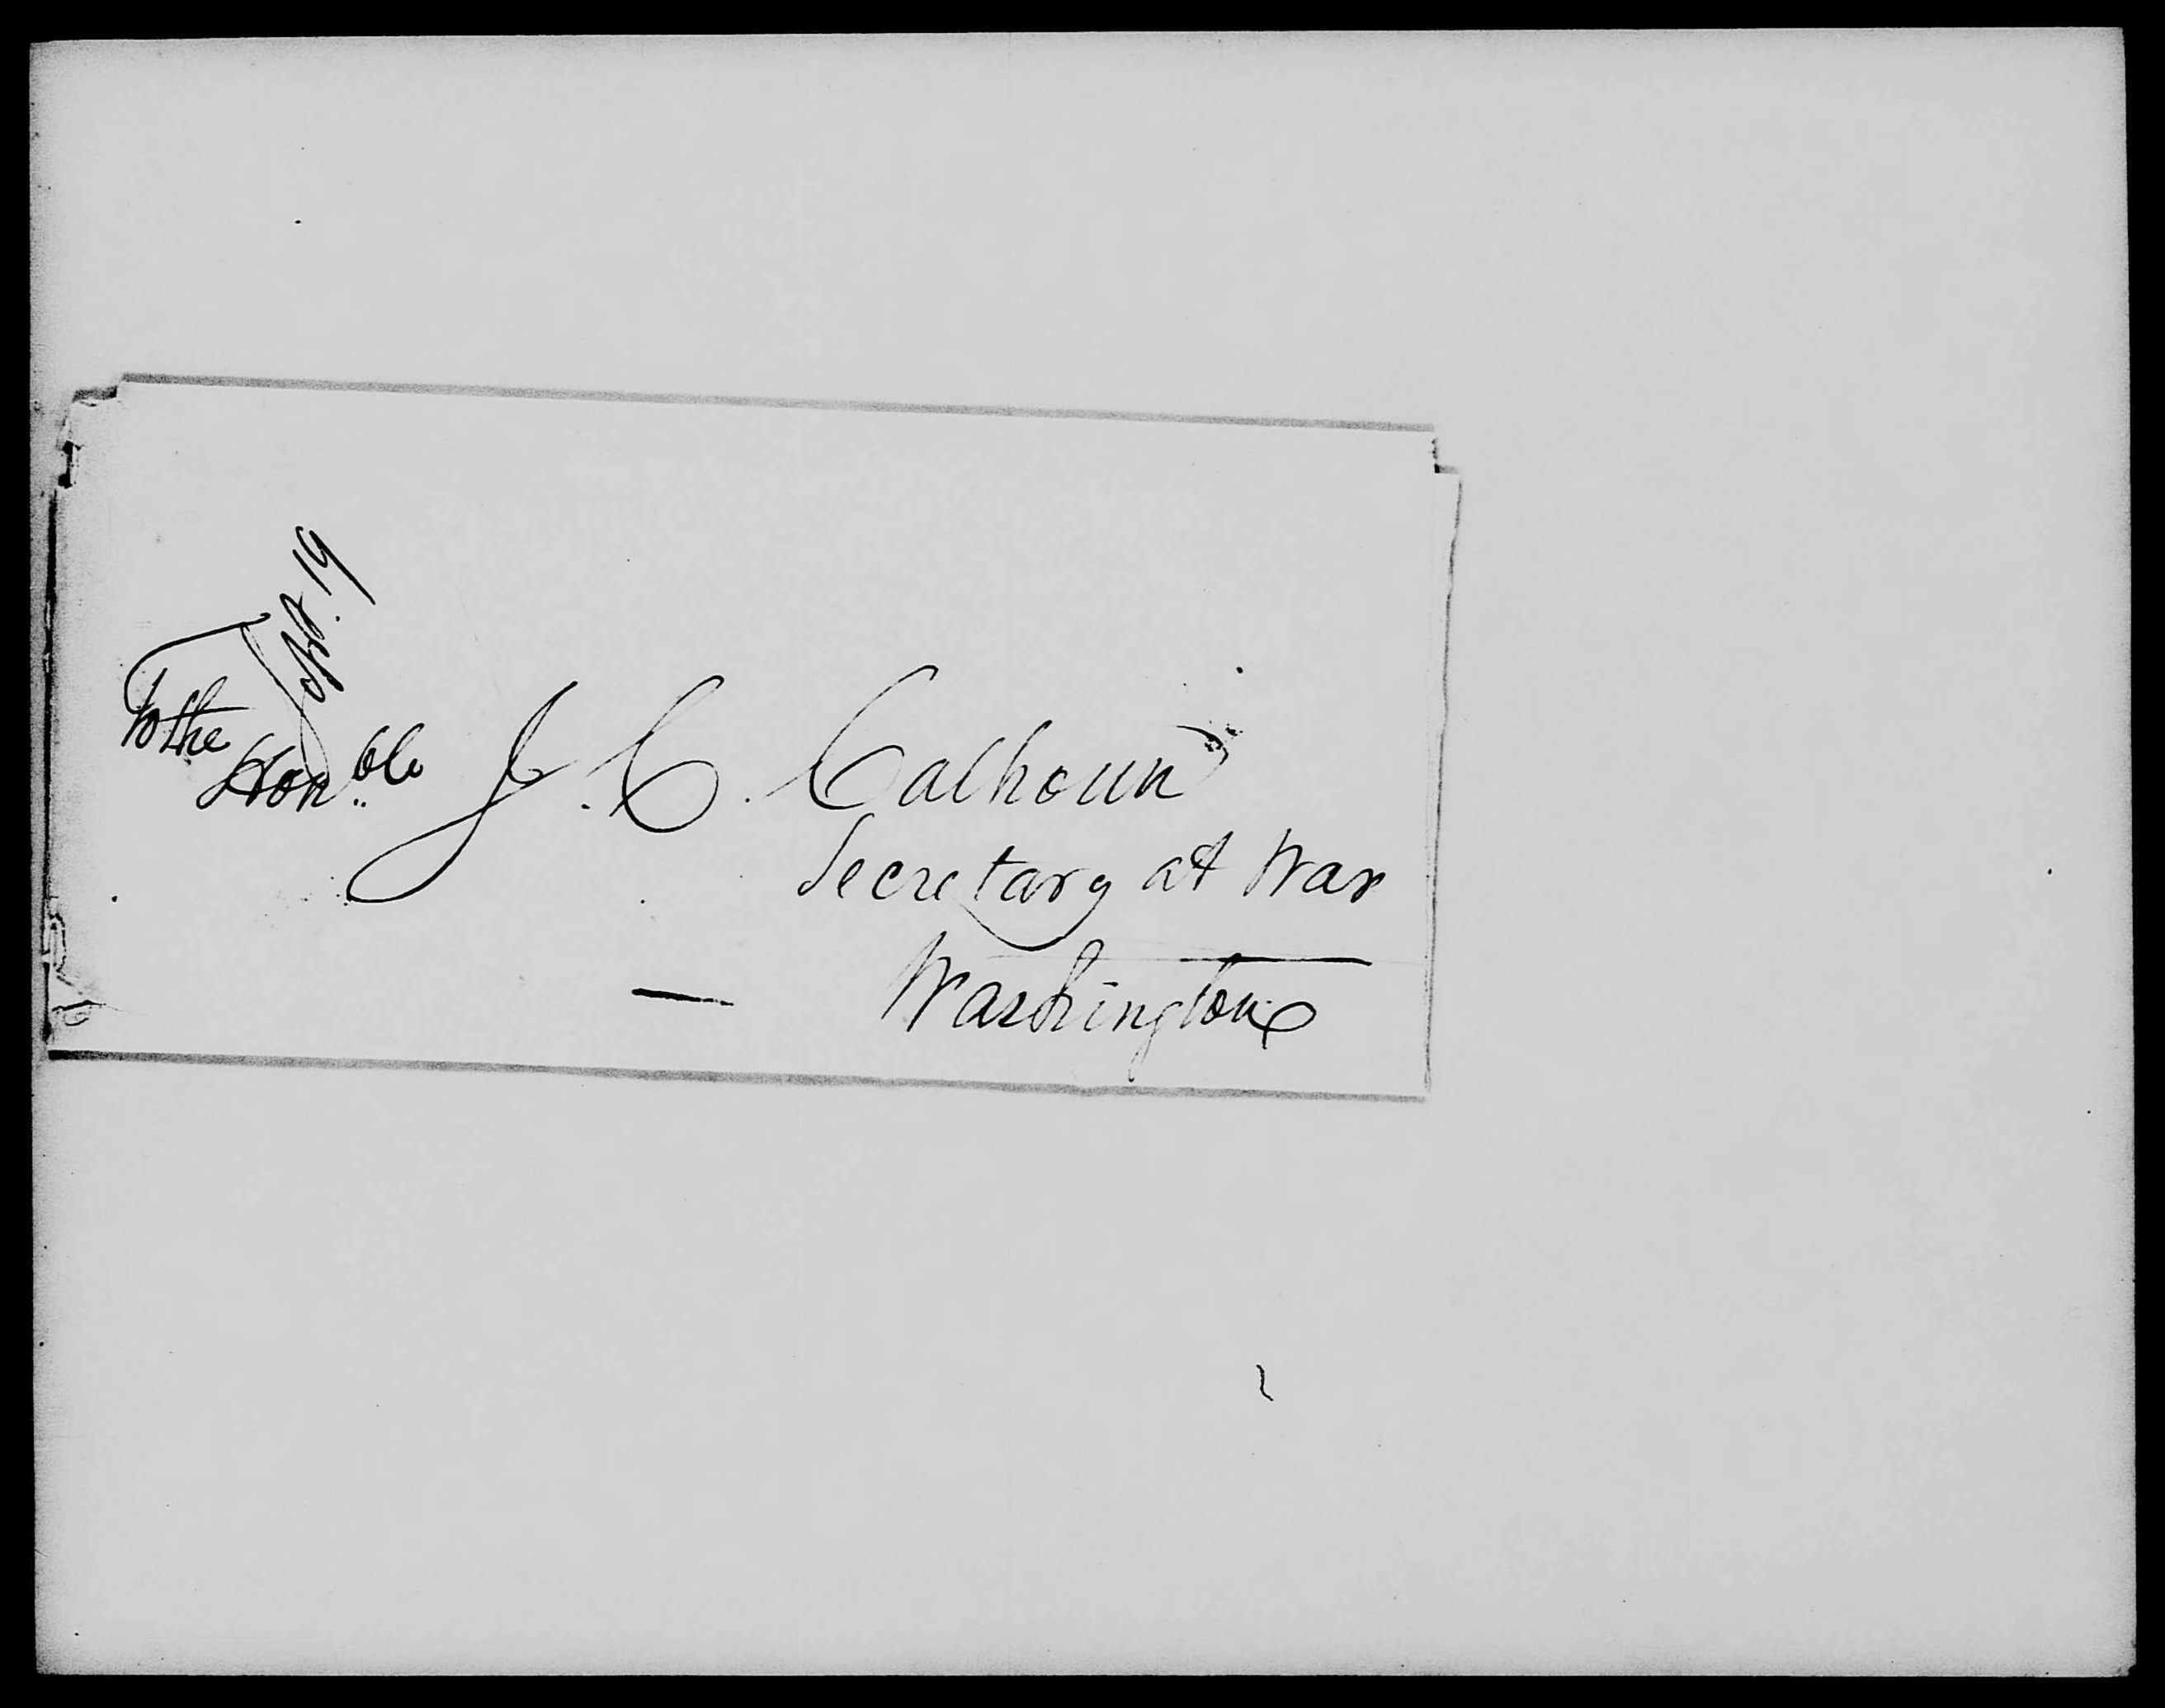To the Honble
J. C. Calhoun
Secretary at War
Washington

Sept 19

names: J C Calhoun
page: 19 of 23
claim: survivor's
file: S. 38226, for Archelaus Mitchell, Virginia